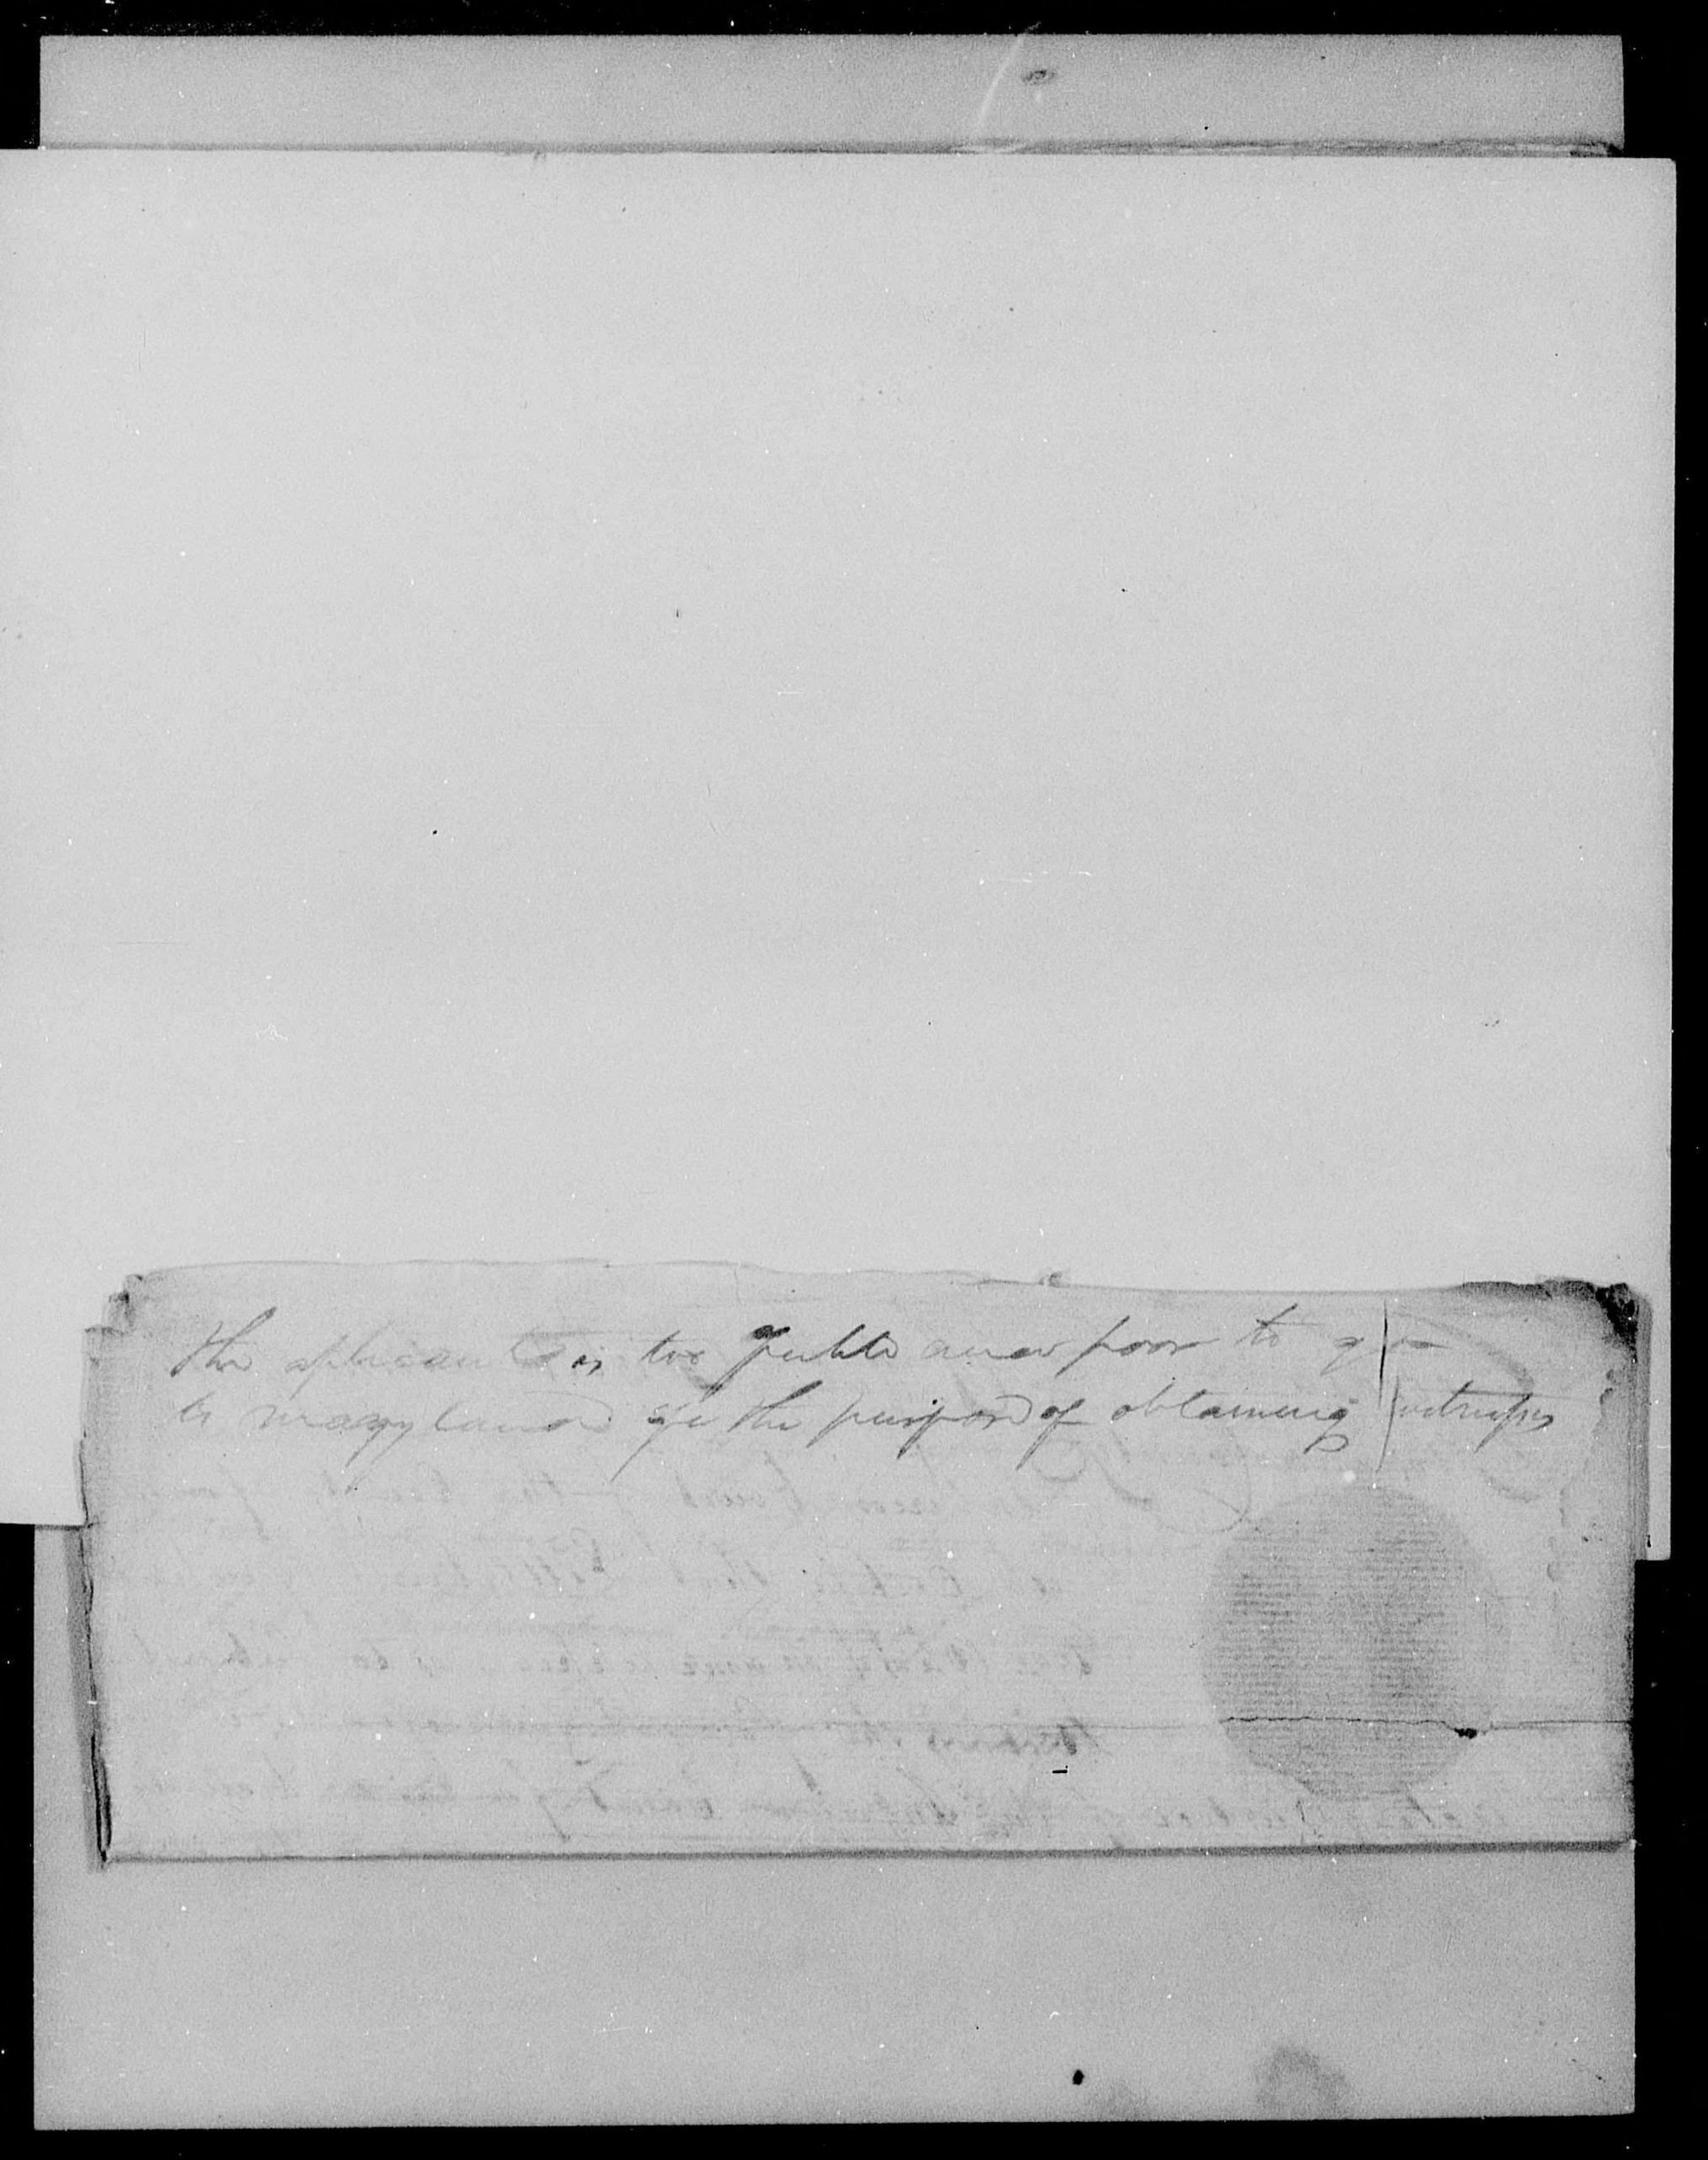the applicant is too feeble are poor to
Maryland for the purpose of obtaining
Witnesses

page: 10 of 16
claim: survivor's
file: S. 38110, for James Keelan, Maryland